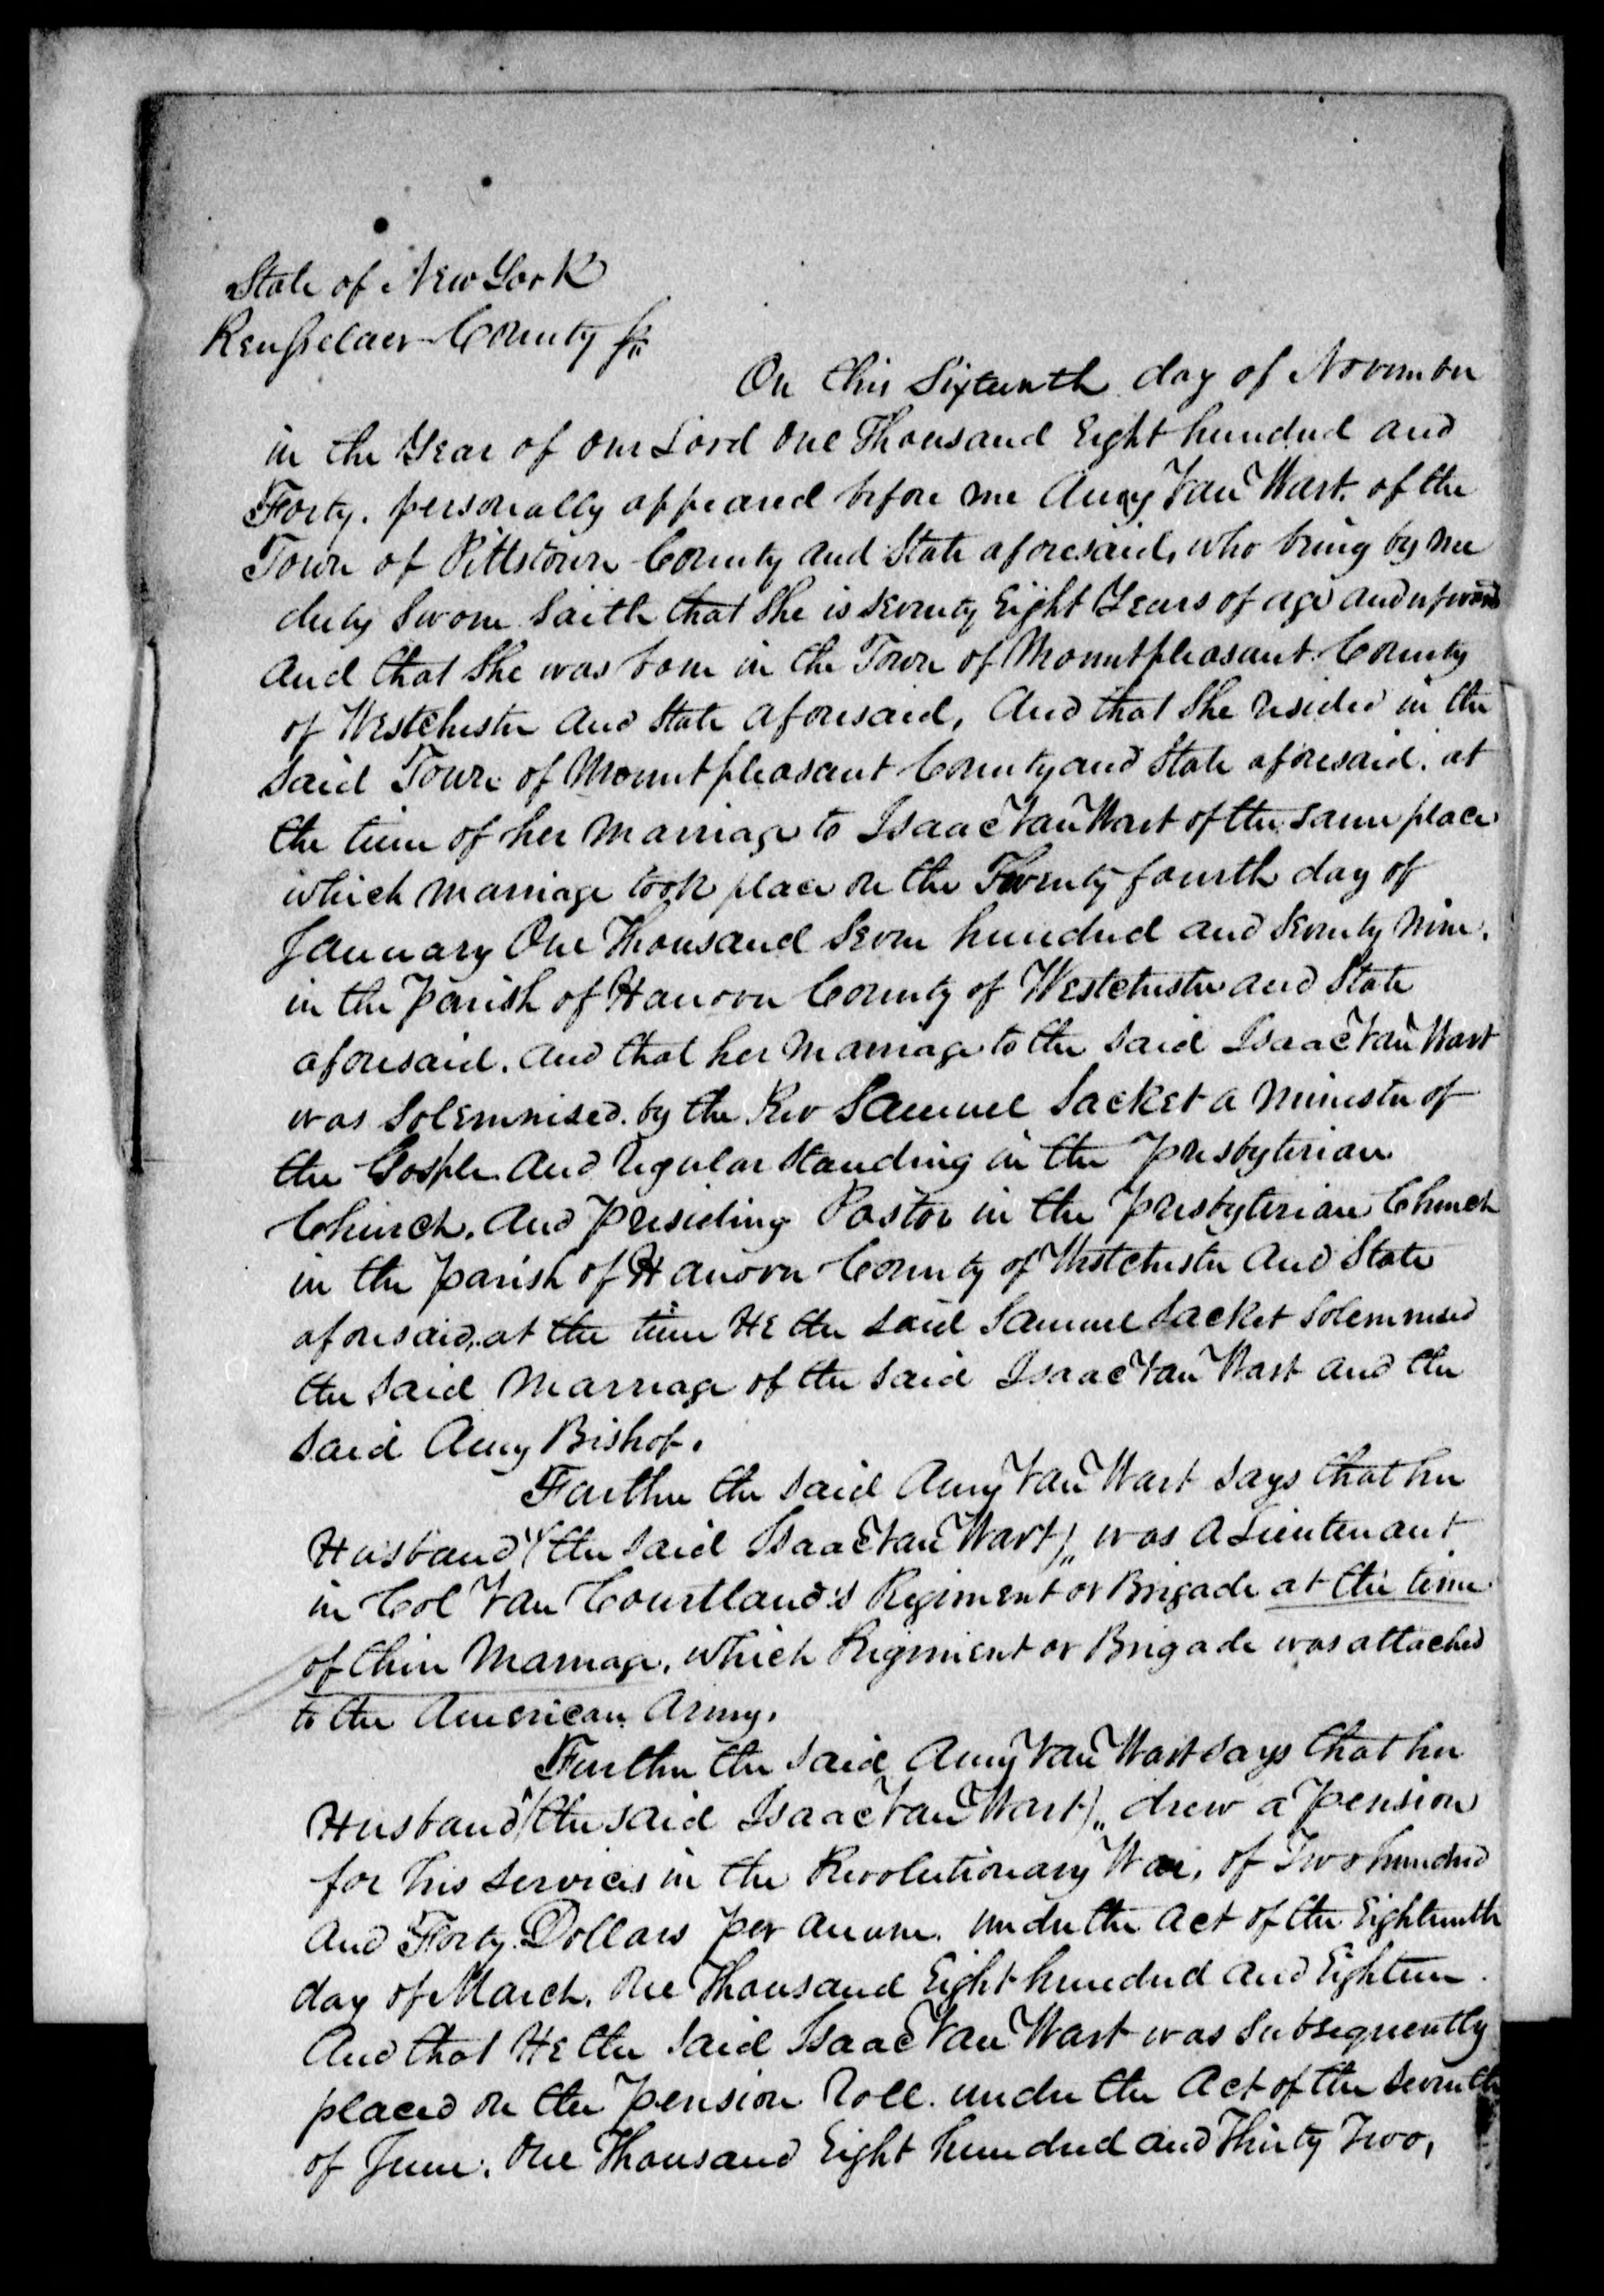State of New York
Rensselaer County

On this Sixteenth day of November in the Year of our Lord One Thousand Eight Hundred and Forty personally appeared before one Amy Van Wart of the Town of Pittstown County and State aforesaid, who being by me duly Sworn Saith that she is Seventy Eight Years of age and infirm
And that she was born in the Town of Mount Pleasant County of Westchester and State aforesaid,  And that she resides in the said Town of Mount Pleasant County and State aforesaid at the time of her marriage to Isaac Van Wart of the same place which marriage took place on the Twenty fourth day of January One Thousand Seven hundred and Seventy Nine in the parish of Harrison County of Westchester and State aforesaid.  And that her marriage to the said Isaac Van Wart was solemnized by the Rev Samuel Sacket a Minister of the Gospel and regular standing in the Presbyterian Church and presiding Pastor in the presbyterian Church in the parish of Harrison County of Westchester and State aforesaid at the time he the said Samuel Sacket solemnized the said marriage of the said Isaac Van Wart and the said Amy Bishop.

Further the said Amy Van Wart says that her husband "[the said Isaac Van Wart)" was a Lieutenant in the Col Van Courtland's Regiment or Brigade at the time of their Marriage, which Regiment or Brigade was attached to the American Army.

Further the said Amy Van Wart says that her husband "(the said Isaac Van Wart)" drew a pension for his services in the Revolutionary War, of Two hundred and Forty Dollars per annum.  Under the Act of the Eighteenth day of March, One Thousand Eight Hundred and Eighteen and that he the said Isaac Van Wart was subsequently placed on the Pension Roll under the Act of the Seventh of June, One Thousand Eight hundred and Thirty Two.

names: Amy Van Wart, Isaac Van Wart, Isaac Van Wart, Samuel Sacket, Isaac Van Wart, Isaac Van Wart, Amy Van Wart, Samuel Sacket, Amy Bishop, Isaac Van Wart, Amy Van Wart, Isaac Van Wart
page: 10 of 102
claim: widow's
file: W. 18239, Isaac Van Wart, New York